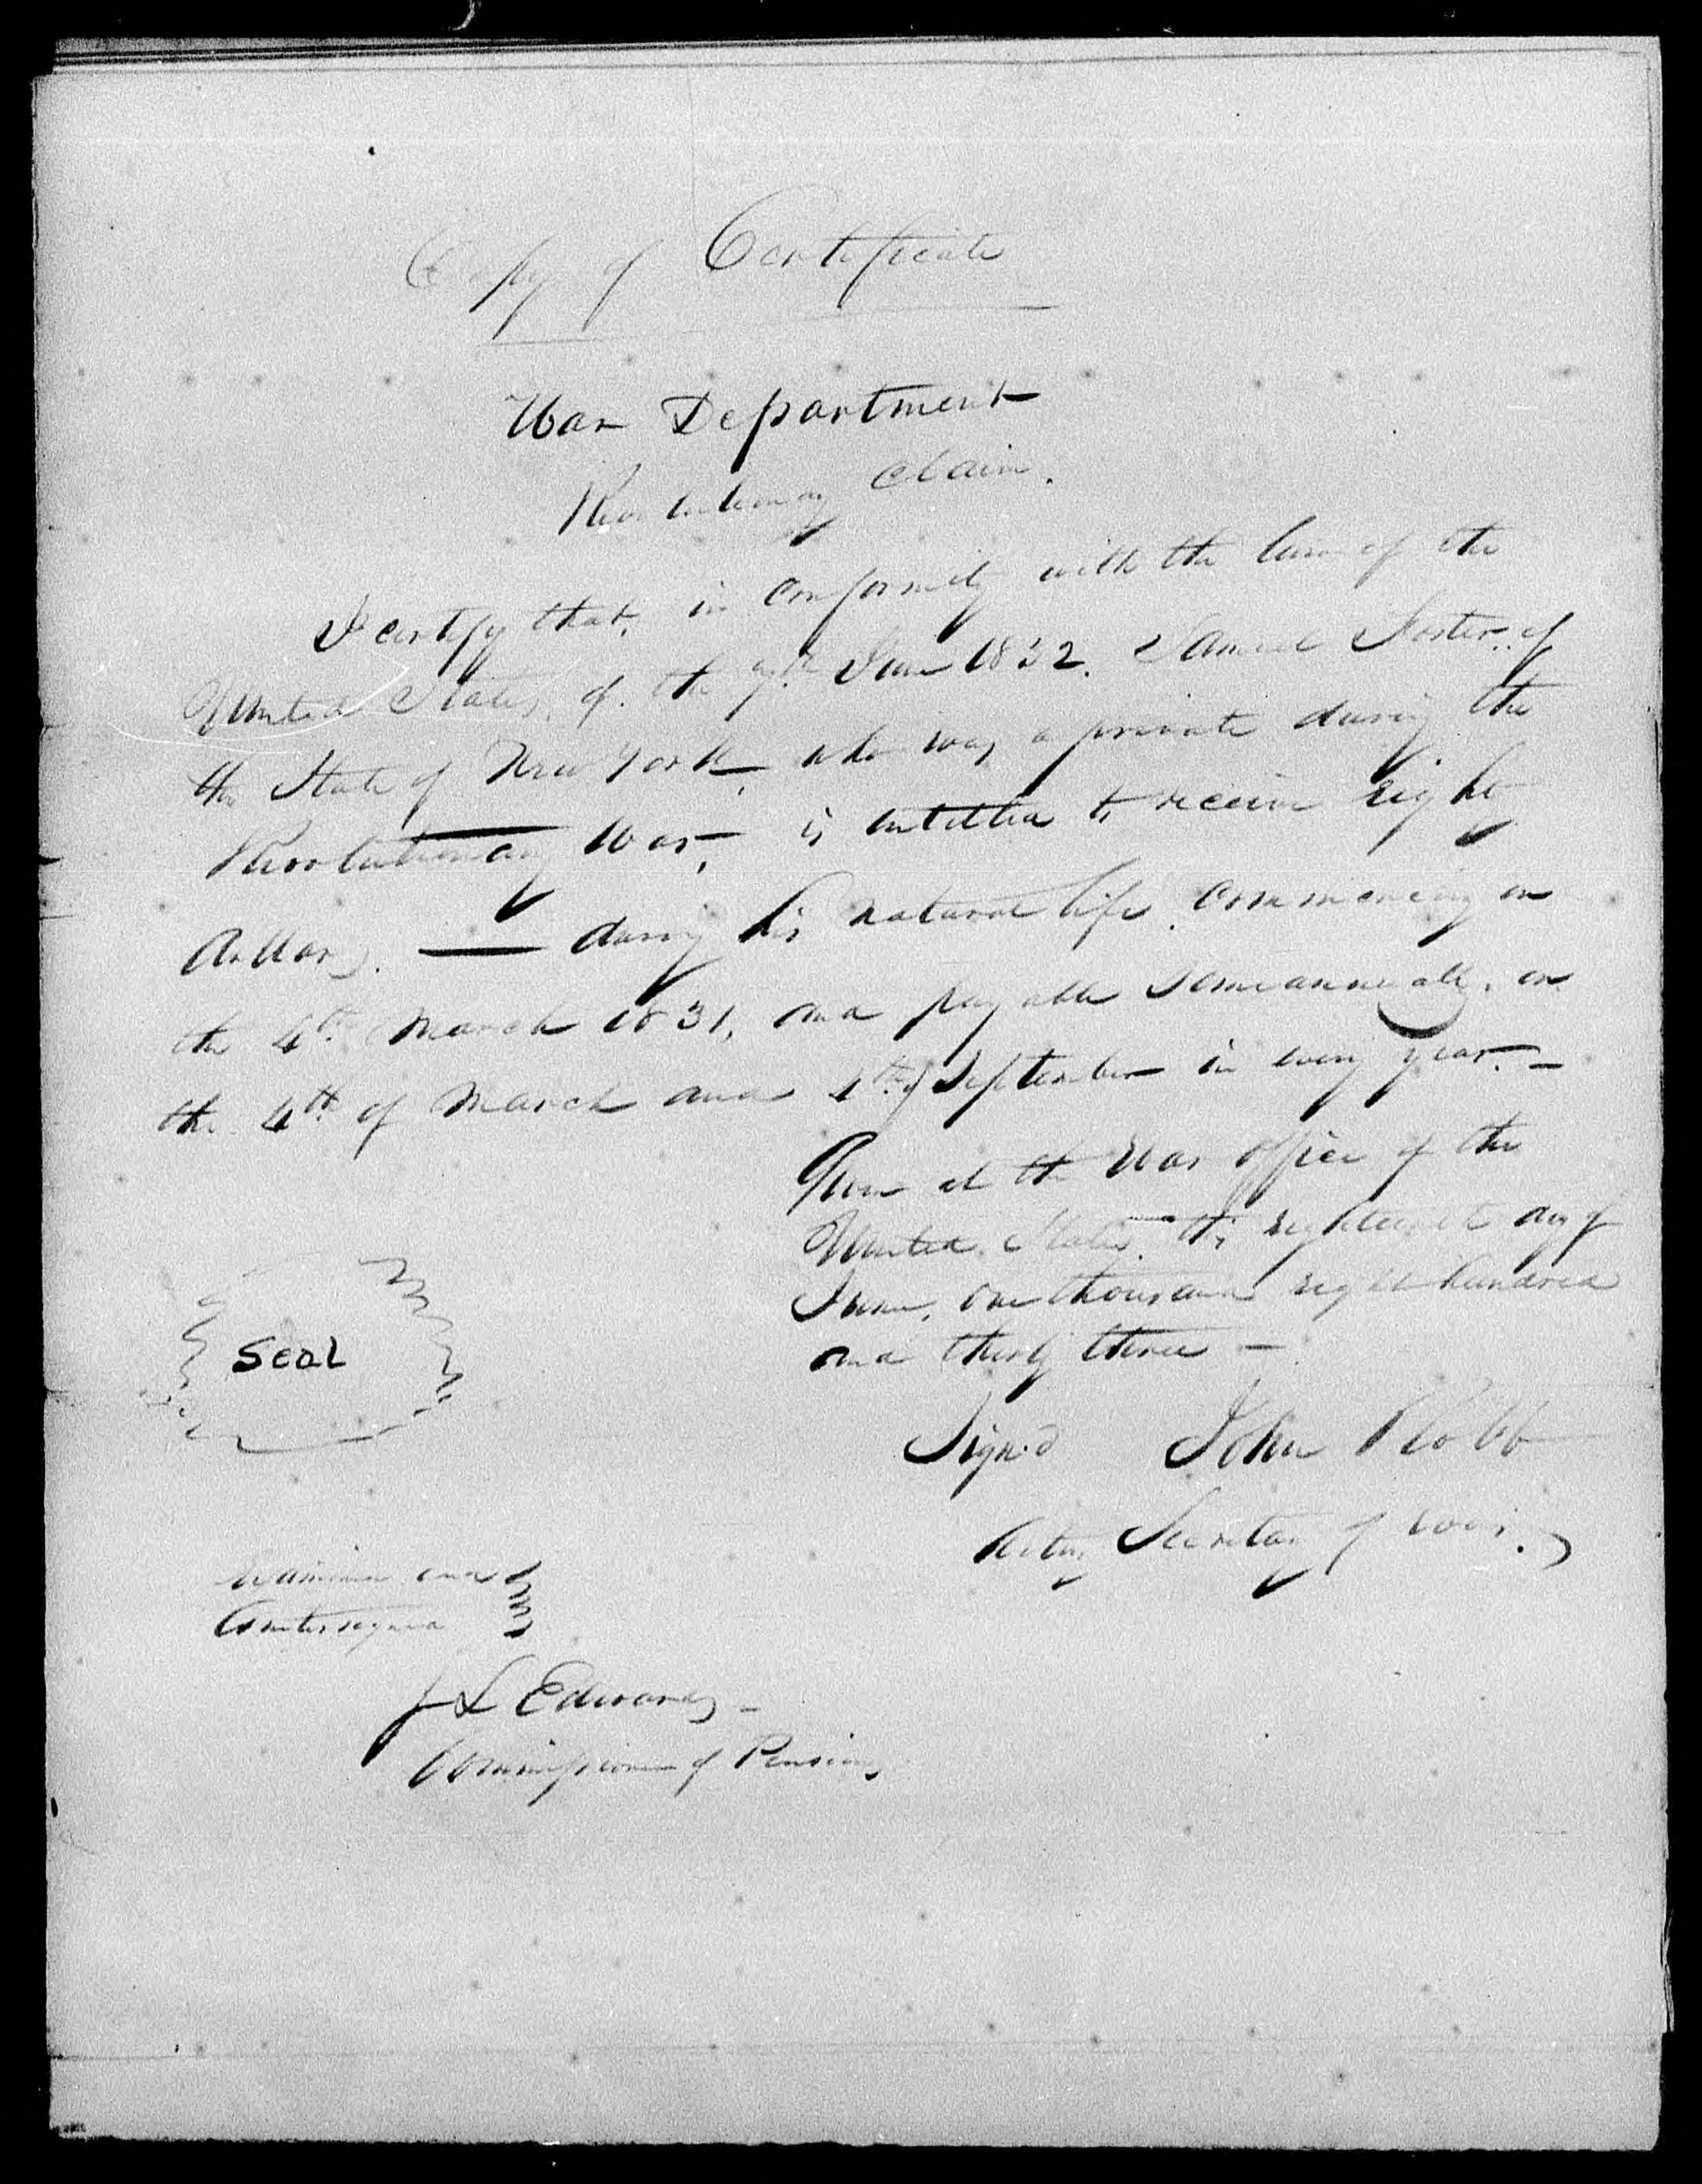Copy of Certificate
War Department
Revolutionary Claim.
I certify that in conformity with the law of the United States of the 7th June 1832 Samuel Foster of the State of New York who was a private during the Revolutionary War is entitled to receive eighty Dollars _ during his natural life commencing on the 4th March 1831, and payable semiannually on the 4th of March and 4th of September in every year. _
Given at the war office of the United States the eighteenth day of June one thousand and eight hundred and thirty three -
Signed [signed] John Robb
{illegible] Secretary of war
{hand drawn circular notation with Seal written inside]
[illegible]
J L Edwards _
Commissioner of Pensions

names: John Robb, J L Edwards, Samuel Foster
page: 18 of 54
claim: survivor's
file: S. 13,043, Samuel Foster, Conn.